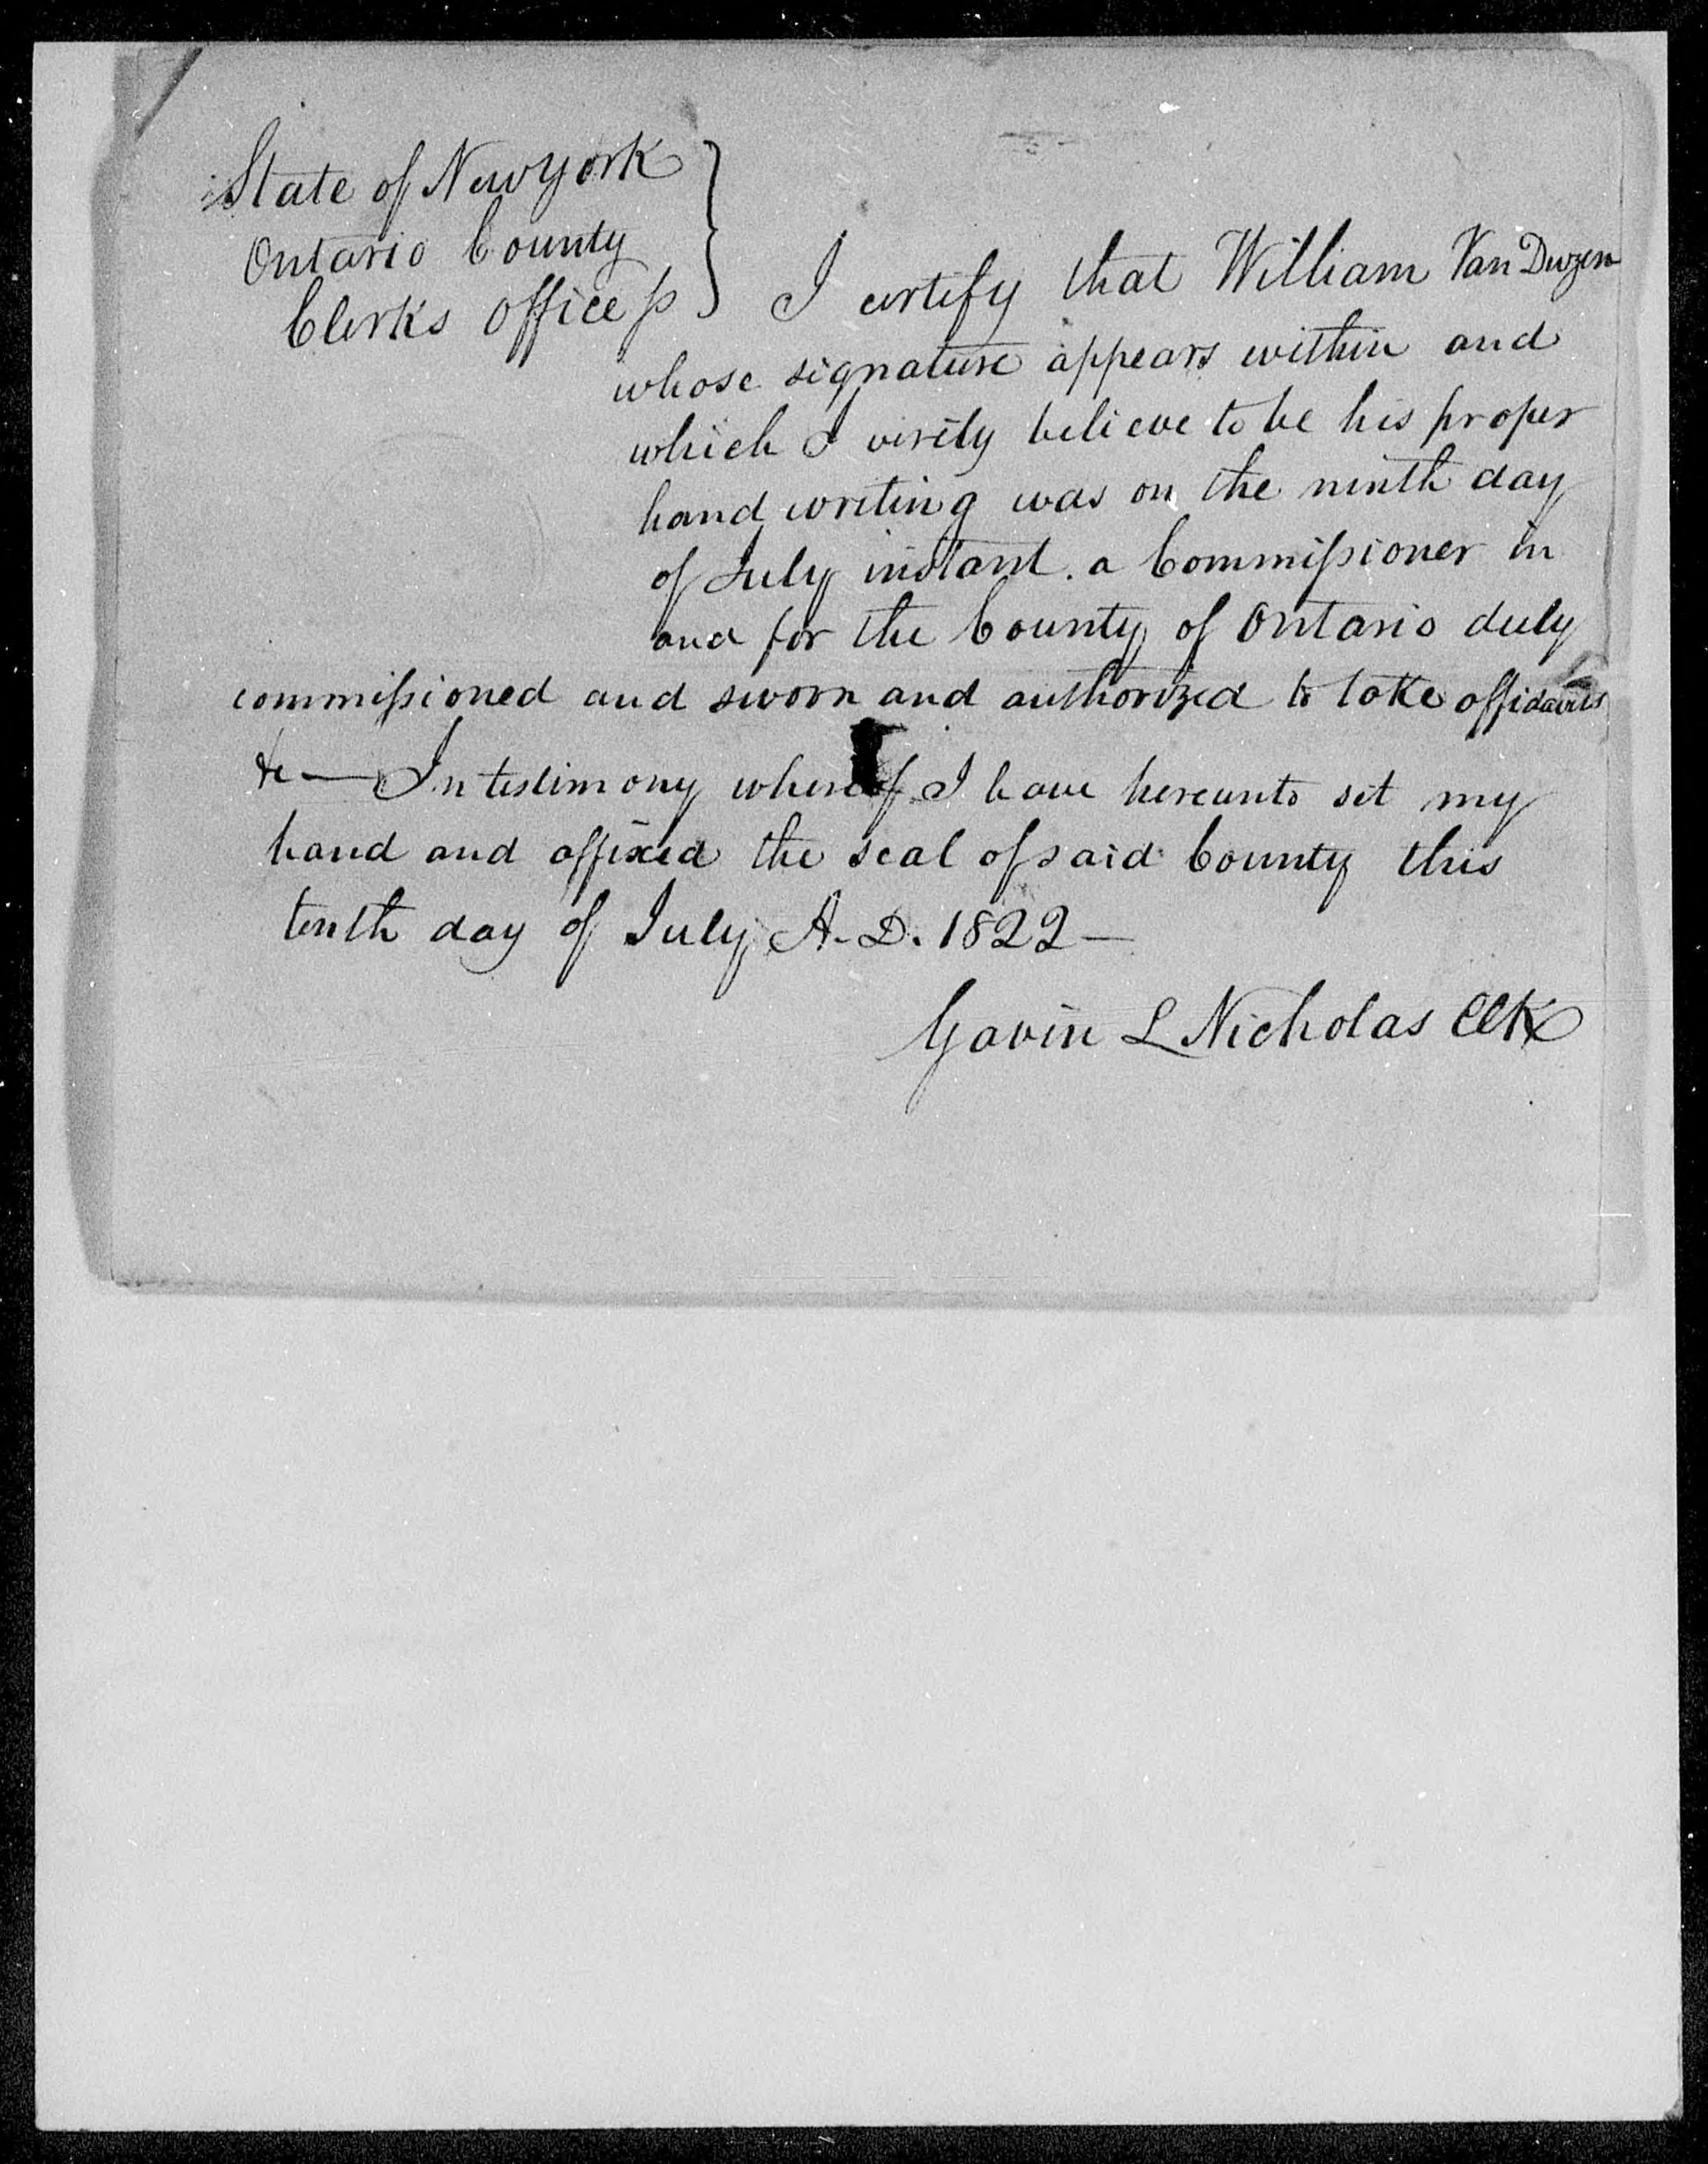State of New York
Ontario County Clerk's Office ss.

I certify that William Van Duzen, whose signature appears within and which I verily believe to be his proper hand writing, was on the ninth day of July instant a Commissioner in and for the County of Ontario duly commissioned ans sworn and authorized to take affidavits - In testimony whereof I have hereunto set my hand and affixed the seal of said County this tenth day of July A.D. 1822 -

Gavin L. Nicholas, Clk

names: Gavin L Nicholas, William Van Duzen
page: 16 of 61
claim: survivor's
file: S. 22798, Paul Griffiths, R.I.